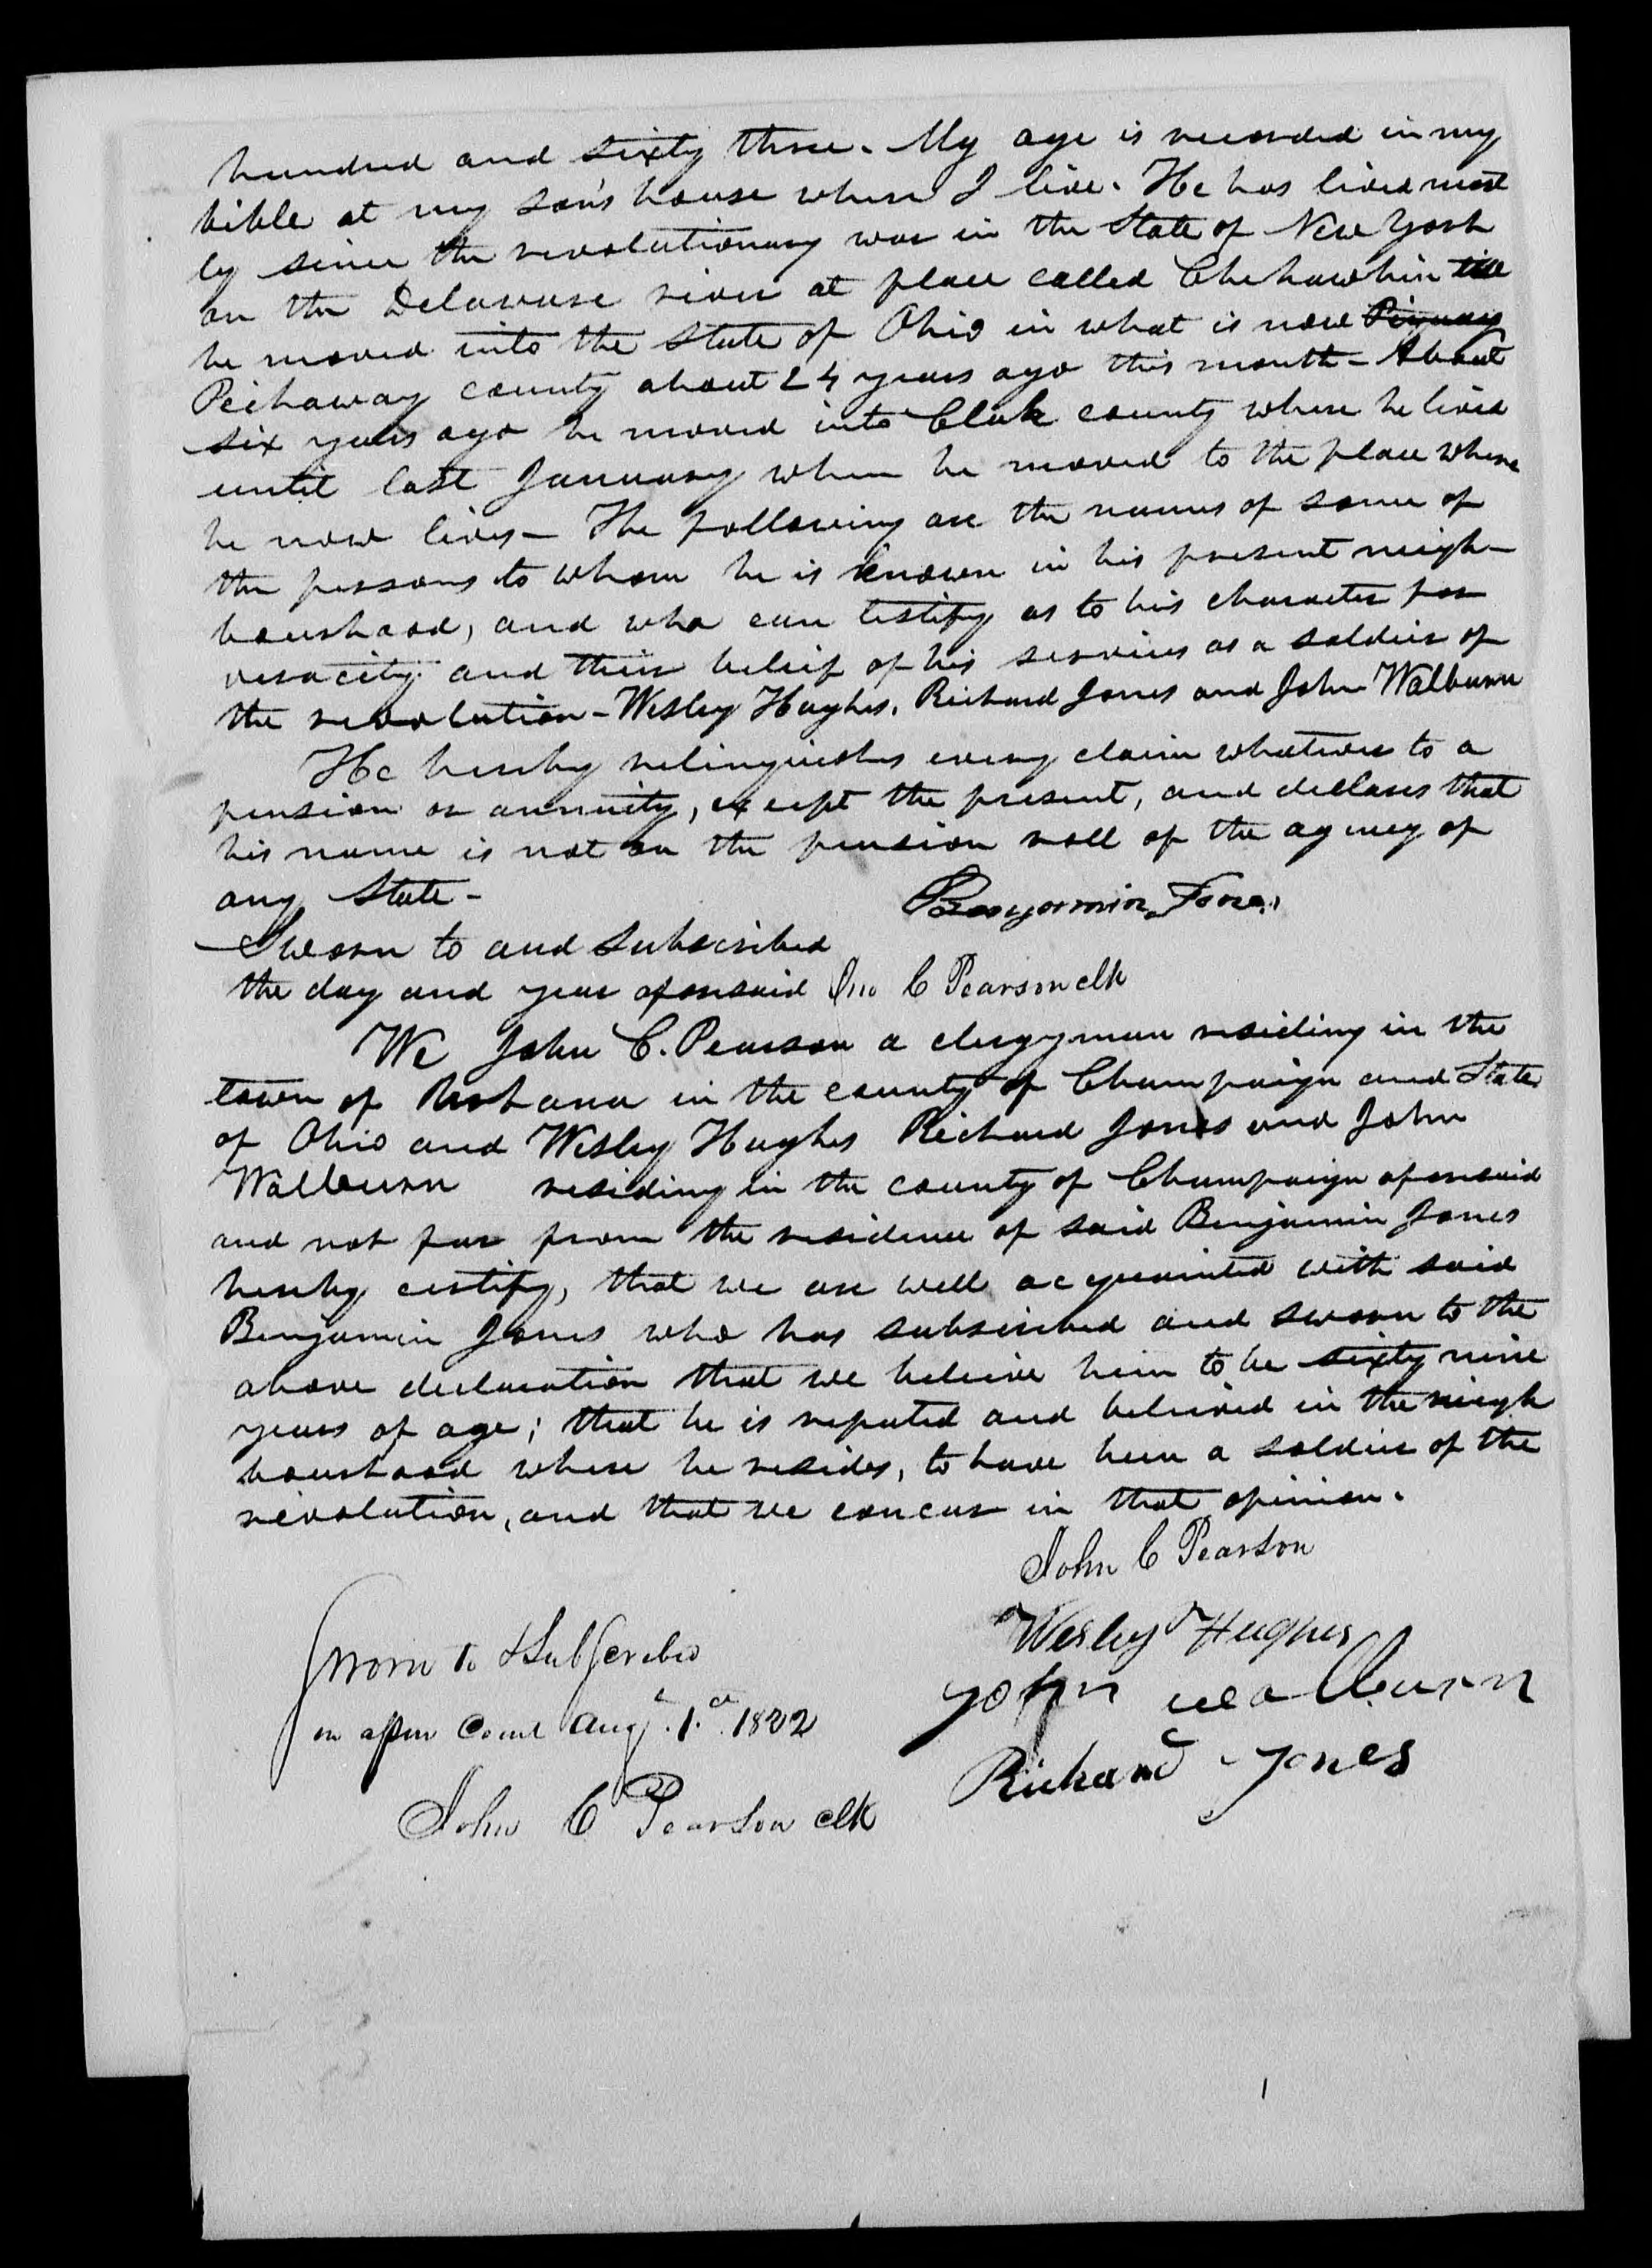hundred and sixty three. My age is recorded in my Bible at my son's house where I live. He has lived mostly since the Revolutionary war in the State of New York on the Delaware River at place called "Phehawkin" till he moved into the State of Ohio in what is now Pickaway County about 24 years ago this month.  About six years ago, he moved into Clark County where he lived until last January when he moved to the place where he now lives. The following are the names of some of the persons to whom he is known in his present neighbourhood, and who can testify as to his character for veracity and their belief of his services as a soldier of
the Revolution:  Wesley Hughes, Richard Jones and John Walburn.
He hereby relinquishes every claim whatever to a pension or annuity, except the present, and declares that his name is not on the pension roll of the agency of any State.
[signed] Benjamin Jones
Sworn to and subscribed
the day and year aforesaid 
Jno C Pearson, Clk
We John C. Pearson a Clergyman residing in the town of Urbana in the County of Champaign and State of Ohio and Wesley Hughes, Richard Jones and John Walburn
residing in the County of Champaign aforesaid
and not far from the residence of said Benjamin Jones, hereby certify, that we are well acquainted with said Benjamin Jones who has subscribed and sworn to the above declaration; that we believe him to be sixty nine years of age; that he is reputed and believed in the neighbourhood where he resides to have been a soldier of the
Revolution, and that we concur in that opinion.
[signed] John C Pearson
Wesley Hughes
John Walburn
Richard Jones

Sworn & Subscribed in open Court Aug 1st 1832
John C. Pearson Clk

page: 6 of 10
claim: survivor's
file: S. 2295, for Benjamin Jones, New York